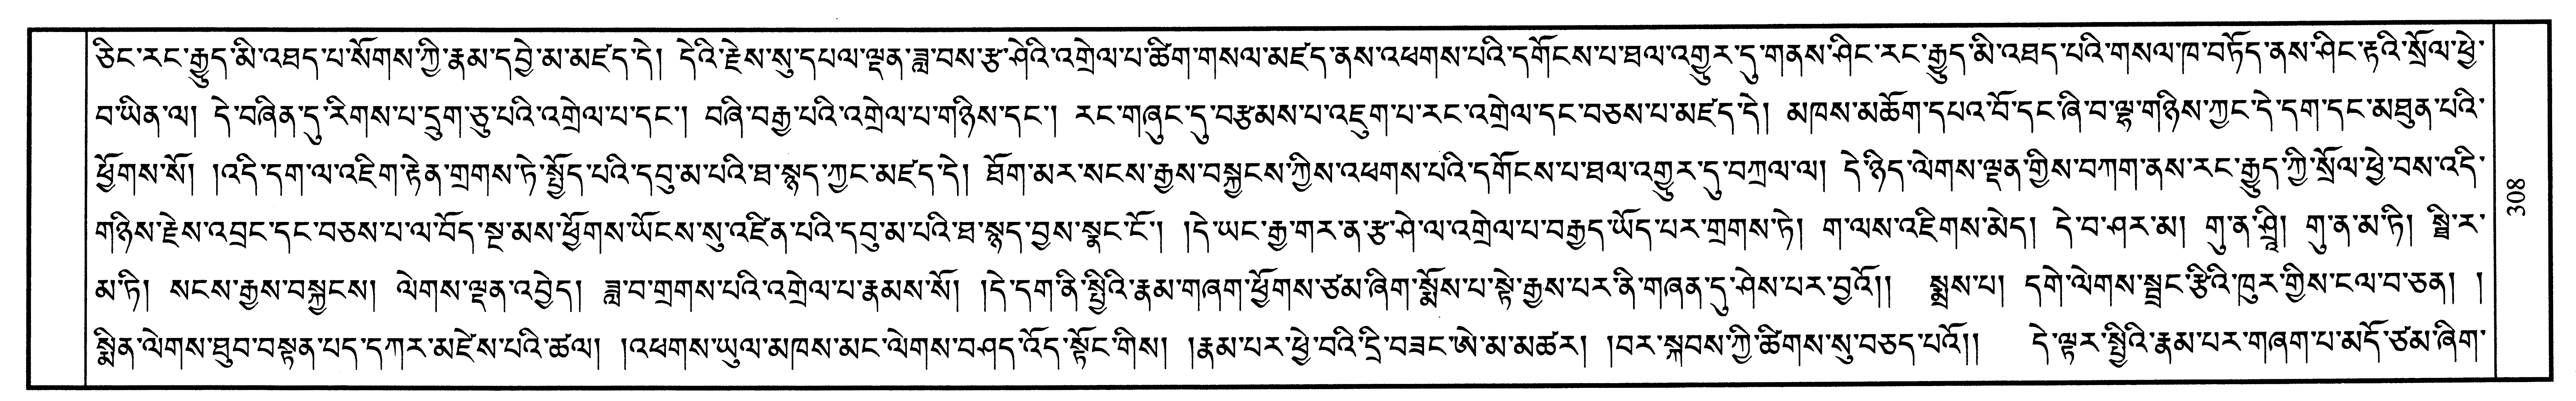ཅིང་རང་རྒྱུད་མི་འཐད་པ་སོགས་ཀྱི་རྣམ་དབྱེ་མ་མཛད་དེ། དེའི་རྗེས་སུ་དཔལ་ལྡན་ཟླ་བས་རྩ་ཤེའི་འགྲེལ་པ་ཚིག་གསལ་མཛད་ནས་འཕགས་པའི་དགོངས་པ་ཐལ་འགྱུར་དུ་གནས་ཤིང་རང་རྒྱུད་མི་འཐད་པའི་གསལ་ཁ་བཏོད་ནས་ཤིང་རྟའི་སྲོལ་ཕྱེ་
བ་ཡིན་ལ། དེ་བཞིན་དུ་རིགས་པ་དྲུག་ཅུ་པའི་འགྲེལ་པ་དང་། བཞི་བརྒྱ་པའི་འགྲེལ་པ་གཉིས་དང་། རང་གཞུང་དུ་བརྩམས་པ་འཇུག་པ་རང་འགྲེལ་དང་བཅས་པ་མཛད་དེ། མཁས་མཆོག་དཔའ་བོ་དང་ཞི་བ་ལྷ་གཉིས་ཀྱང་དེ་དག་དང་མཐུན་པའི་
ཕྱོགས་སོ། །འདི་དག་ལ་འཇིག་རྟེན་གྲགས་ཏེ་སྤྱོད་པའི་དབུ་མ་པའི་ཐ་སྙད་ཀྱང་མཛད་དེ། ཐོག་མར་སངས་རྒྱས་བསྐྱངས་ཀྱིས་འཕགས་པའི་དགོངས་པ་ཐལ་འགྱུར་དུ་བཀྲལ་ལ། དེ་ཉིད་ལེགས་ལྡན་གྱིས་བཀག་ནས་རང་རྒྱུད་ཀྱི་སྲོལ་ཕྱེ་བས་འདི་
གཉིས་རྗེས་འབྲང་དང་བཅས་པ་ལ་བོད་སྔ་མས་ཕྱོགས་ཡོངས་སུ་འཛིན་པའི་དབུ་མ་པའི་ཐ་སྙད་བྱས་སྣང་ངོ། །དེ་ཡང་རྒྱ་གར་ན་རྩ་ཤེ་ལ་འགྲེལ་པ་བརྒྱད་ཡོད་པར་གྲགས་ཏེ། ག་ལས་འཇིགས་མེད། དེ་བ་ཤར་མ། གུ་ན་ཤྲཱི། གུ་ན་མ་ཏི། སྠི་ར་
མ་ཏི། སངས་རྒྱས་བསྐྱངས། ལེགས་ལྡན་འབྱེད། ཟླ་བ་གྲགས་པའི་འགྲེལ་པ་རྣམས་སོ། །དེ་དག་ནི་སྤྱིའི་རྣམ་གཞག་ཕྱོགས་ཙམ་ཞིག་སྨོས་པ་སྟེ་རྒྱས་པར་ནི་གཞན་དུ་ཤེས་པར་བྱའོ།། སྨྲས་པ། དགེ་ལེགས་སྦྲང་རྩིའི་ཁུར་གྱིས་ངལ་བ་ཅན། །
སྨིན་ལེགས་ཐུབ་བསྟན་པད་དཀར་མཛེས་པའི་ཚལ། །འཕགས་ཡུལ་མཁས་མང་ལེགས་བཤད་འོད་སྟོང་གིས། །རྣམ་པར་ཕྱེ་བའི་དྲི་བཟང་ཨེ་མ་མཚར། །བར་སྐབས་ཀྱི་ཚིགས་སུ་བཅད་པའོ།། དེ་ལྟར་སྤྱིའི་རྣམ་པར་གཞག་པ་མདོ་ཙམ་ཞིག་